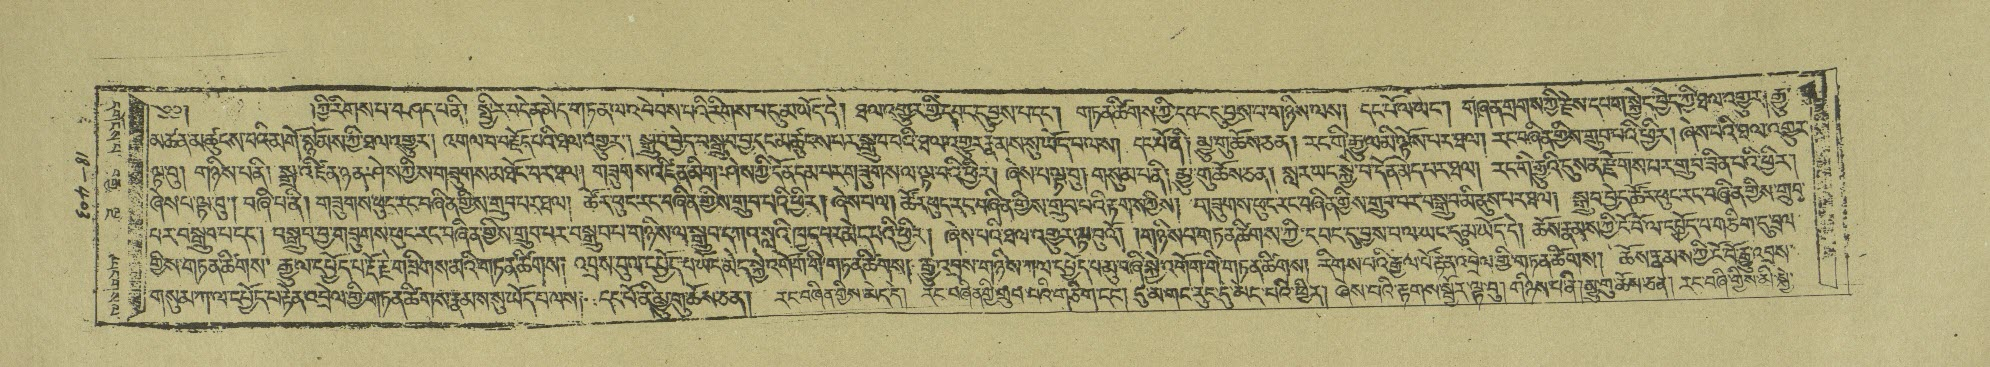༄༅། །ཀྱི་རིགས་པ་བཤད་པ་ནི། སྤྱིར་བདེན་མེད་གཏན་ལ་འབེབས་པའི་རིགས་པ་དུ་མ་ཡོད་དེ། ཐལ་འགྱུར་གྱི་དབང་དུ་བྱས་པ་དང་། གཏན་ཚིགས་ཀྱི་དབང་དུ་བྱས་པ་གཉིས་ལས། དང་པོ་ལ་ཡང་། གཞན་གྲགས་ཀྱི་རྗེས་དཔག་སྐྱེད་བྱེད་ཀྱི་ཐལ་འགྱུར། རྒྱུ་
མཚན་མཚུངས་པའམ་གོ་སྙོམས་ཀྱི་ཐལ་འགྱུར། འགལ་བ་བརྗོད་པའི་ཐལ་འགྱུར། སྒྲུབ་བྱེད་བསྒྲུབ་བྱ་དང་མཚུངས་པར་སྒྲུབ་པའི་ཐལ་འགྱུར་རྣམས་སུ་ཡོད་པ་ལས། དང་པོ་ནི། མྱུ་གུ་ཆོས་ཅན། རང་གི་རྒྱུ་ལ་མི་ལྟོས་པར་ཐལ། རང་བཞིན་གྱིས་གྲུབ་པའི་ཕྱིར། ཞེས་པའི་ཐལ་འགྱུར་
ལྟ་བུ། གཉིས་པ་ནི། སྒྲ་འཛིན་ཉན་ཤེས་ཀྱིས་གཟུགས་མཐོང་བར་ཐལ། གཟུགས་འཛིན་མིག་ཤེས་ཀྱི་དོན་དམ་པར་གཟུགས་ལ་ལྟ་བའི་ཕྱིར། ཞེས་པ་ལྟ་བུ། གསུམ་པ་ནི། མྱུ་གུ་ཆོས་ཅན། སླར་ཡང་སྐྱེ་བ་དོན་མེད་པར་ཐལ། རང་གི་རྒྱུའི་དུས་ན་རྫོགས་པར་གྲུབ་ཟིན་པའི་ཕྱིར།
ཞེས་པ་ལྟ་བུ། བཞི་པ་ནི། གཟུགས་ཕུང་རང་བཞིན་གྱིས་གྲུབ་པར་ཐལ། ཚོར་ཕུང་རང་བཞིན་གྱིས་གྲུབ་པའི་ཕྱིར། ཞེས་པ་ལ། ཚོར་ཕུང་རང་བཞིན་གྱིས་གྲུབ་པའི་རྟགས་ཀྱིས། གཟུགས་ཕུང་རང་བཞིན་གྱིས་གྲུབ་པར་བསྒྲུབ་མི་ནུས་པར་ཐལ། སྒྲུབ་བྱེད་ཚོར་ཕུང་རང་བཞིན་གྱིས་གྲུབ་
པར་བསྒྲུབ་པ་དང་། བསྒྲུབ་བྱ་གཟུགས་ཕུང་རང་བཞིན་གྱིས་གྲུབ་པར་བསྒྲུབ་པ་གཉིས་ལ་སྒྲུབ་དཀའ་སླའི་ཁྱད་པར་མོད་པའི་ཕྱིར། ཞེས་པའི་ཐལ་འགྱུར་ལྟ་བུའོ། །གཉིས་པ་གཏན་ཚིགས་ཀྱི་དབང་དུ་བྱས་པ་ལ་ཡང་དུ་མ་ཡོད་དེ། ཆོས་རྣམས་ཀྱི་ངོ་བོ་ལ་དཔྱོད་པ་གཅིག་དུ་བྲལ་
གྱིས་གཏན་ཚིགས། རྒྱུ་ལ་དཔྱོད་པ་རྡོ་རྗེ་གཟིགས་མའི་གཏན་ཚིགས། འབྲས་བུ་ལ་དཔྱོད་པ་ཡོད་མེད་སྐྱེ་འགོག་གི་གཏན་ཚིགས། རྒྱུ་འབྲས་གཉིས་ཀ་ལ་དཔྱོད་པ་མུ་བཞི་སྐྱེ་འགོག་གི་གཏན་ཚིགས། རིགས་པའི་ཨུརྒྱལ་པོ་རྟེན་འབྲེལ་གྱི་གཏན་ཚིགས། ཆོས་རྣམས་ཀྱི་ངོ་བོ་རྒྱུ་འབྲས་
གསུམ་ཀ་ལ་དཔྱོད་པ་རྟེན་འབྲེལ་གྱི་གཏན་ཚིགས་རྣམས་སུ་ཡོད་པ་ལས། དང་པོ་ནི་མྱུ་གུ་ཆོས་ཅན། རང་བཞིན་གྱིས་མེད་དེ། རང་བཞིན་གྱི་གྲུབ་པའི་གཅིག་དང་། དུ་མ་གང་རུང་དུ་མེད་པའི་ཕྱིར། ཞེས་པའི་རྟགས་སྦྱོར་ལྟ་བུ། གཉིས་པ་ནི། མྱུ་གུ་ཆོས་ཅན། རང་བཞིན་གྱིས་མི་སྐྱེ་